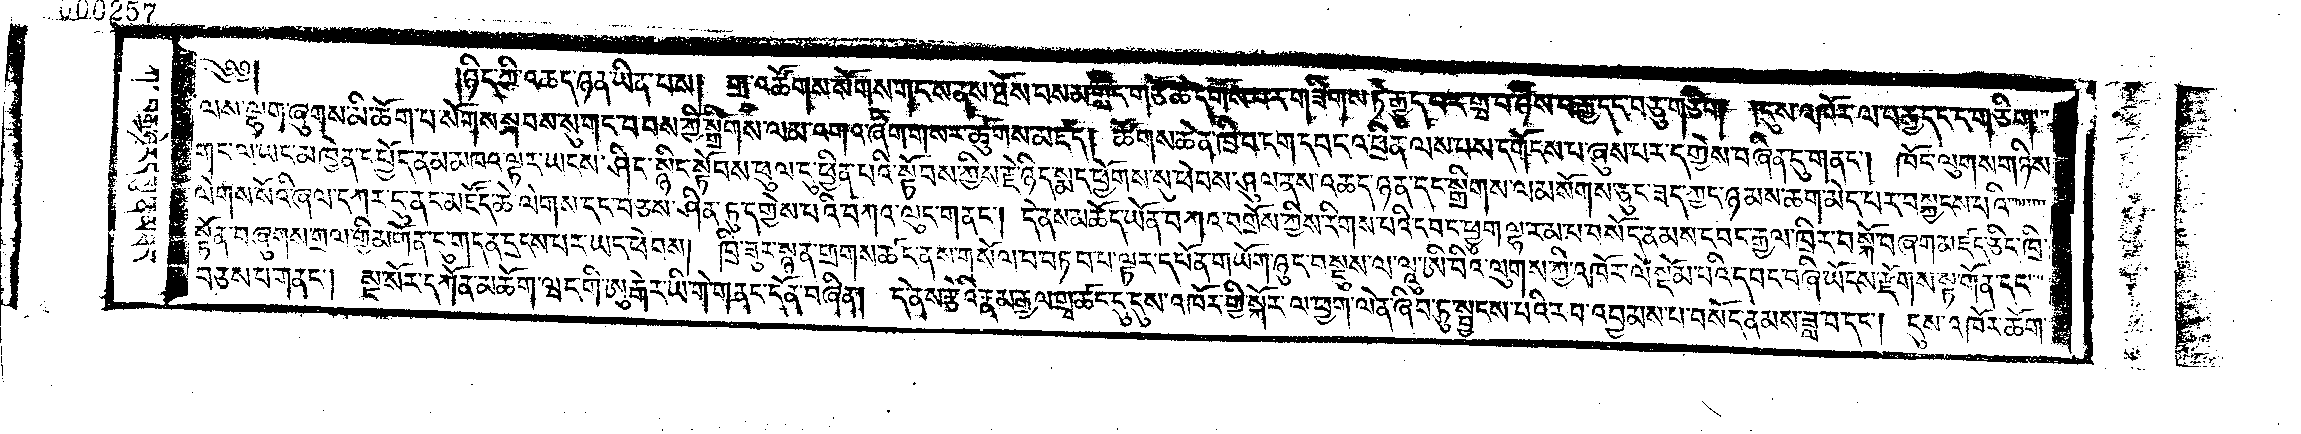༄༅། །ཉིད་ཀྱི་འཆད་ཉན་ཡིན་པས། གྲྭ་འཚོགས་སོགས་གང་ས་ནས་ཐོས་བསམ་གླིང་གཙོ་ཆེ་དགོས་པར་གཟིགས་ཏེ་རྒྱུད་པར་གྲྭ་བ་ཉིས་བརྒྱ་དང་བཅུ་གཅིག །དུས་འཁོར་ལ་བརྒྱ་དང་ང་གཅིག་
ལས་ལྷག་ཞུགས་མི་ཆོག་པ་སོགས་སྐབས་སུ་གང་བབས་ཀྱི་སྒྲིགས་ལམ་འགའ་ཞིག་གསར་ཚུགས་མཛད། ཚོགས་ཆེན་ཁྲི་བ་ངག་དབང་འཕྲིན་ལས་པས་དགོངས་པ་ཞུས་པར་དགྱེས་བཞིན་དུ་གནང་། ཁོང་ལུགས་གཉིས་
གང་ལ་ཡང་མཁྱེན་དཔྱོད་ནམ་མཁའ་ལྟར་ཡངས་ཤིང་སྙིང་སྟོབས་ཕུལ་དུ་ཕྱིན་པའི་སྟོབས་ཀྱིས་རྗེ་ཉིད་སྨད་ཕྱོགས་སུ་ཕེབས་ཤུལ་ནས་འཆད་ཉན་དང་སྒྲིགས་ལམ་སོགས་ཅུང་ཟད་ཀྱང་ཉམས་ཆག་མེད་པར་བསྐྱངས་པའི་
ལེགས་སོའི་ཞལ་དཀར་དུ་ནང་མཛོད་ཆེ་ལེགས་དང་བཅས་ཤིན་ཏུ་དགྱེས་པའི་བཀའ་ལུང་གནང་། དེ་ནས་མཆོད་ཡོན་བཀའ་བགྲོས་ཀྱིས་རིགས་པའི་དབང་ཕྱུག་ལྷ་རམ་པ་བསོད་ནམས་དབང་རྒྱལ་ཁྲིར་བསྐོ་བཞག་མཛད་ཅིང་ཁྲི་
སྟོན་བཞུགས་གྲལ་གྱི་མགོན་དུ་གདན་དྲངས་པར་ཡང་ཕེབས། ཁྲི་ཟུར་སྙན་གྲགས་ཚང་ནས་གསོལ་བ་བཏབ་པ་ལྟར་དཔོན་གཡོག་ཉུང་བསྡུས་ལ་ལཱུ་ཨི་བའི་ལུགས་ཀྱི་འཁོར་ལོ་སྡོམ་པའི་དབང་བཞི་ཡོངས་རྫོགས་སྟ་གོན་དང་
བཅས་པ་གནང་། སྔ་སོར་དཀོན་མཆོག་ཝང་གི་ཨུ་རྒེར་ཡི་གེ་གནང་དོན་བཞིན། དེ་ནས་རྩེའི་རྣམ་རྒྱལ་གྲྭ་ཚང་དུ་དུས་འཁོར་གྱི་སྐོར་ལ་ཕྱག་ལེན་ཞིབ་ཏུ་སྦྱངས་པའི་རབ་འབྱམས་པ་བསོད་ནམས་ཟླ་བ་དང་། དུས་འཁོར་ཆོག་